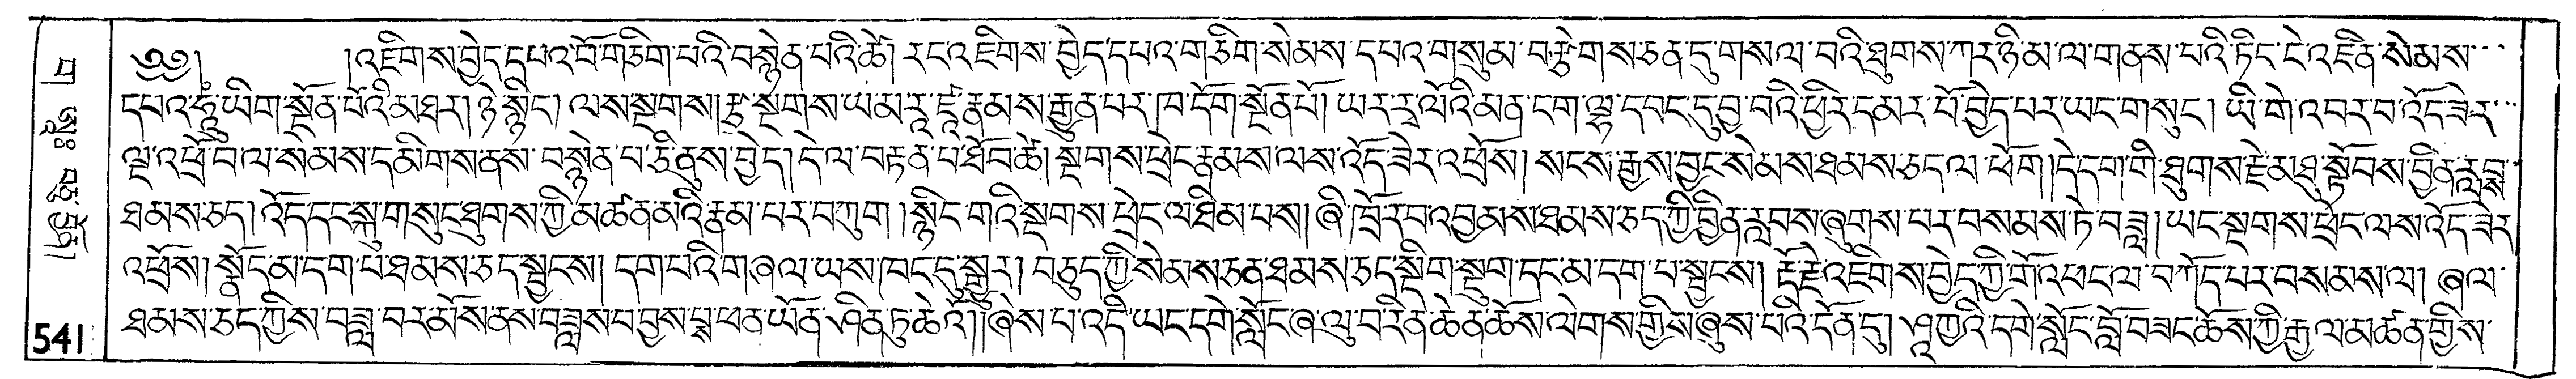༄༅། །འཇིགས་བྱེད་དཔའ་བོ་གཅིག་པའི་བསྙེན་པའི་ཚེ། རང་འཇིགས་བྱེད་དཔའ་གཅིག་སེམས་དཔའ་གསུམ་བརྩེགས་ཅན་དུ་གསལ་བའི་ཐུགས་ཀར་ཉི་མ་ལ་གནས་པའི་ཏིང་ངེ་འཛིན་སེམས་
དཔའ་ཧཱུཾ་ཡིག་སྔོན་པོའི་མཐར། ཉེ་སྙིང་།ལས་སྔགས། རྩ་སྔགས་ཡ་མ་རཱ་ཛཱ་རྣམས་རྒྱུན་པར་ཁ་དོག་སྔོན་པོ། ཡར་རྭ་ལོའི་མན་ངག་ལྷ་དབང་དུ་བྱ་བའི་ཕྱིར་དམར་པོ་བྱེད་པར་ཡང་གསུང་། ཡི་གེ་འབར་བ་འོད་ཟེར་
ལྔ་འཕྲོ་བ་ལ་སེམས་དམིགས་ནས་བསྙེན་པ་ཅི་ནུས་བྱེད། དེ་ལ་བརྟན་པ་ཐོབ་ཚེ། སྔགས་ཕྲེང་རྣམས་འོད་ཟེར་འཕྲོས། སངས་རྒྱས་བྱང་སེམས་ཐམས་ཅ་ལ་ཕོག །དེ་དག་གི་ཐུགས་རྗེ་མཐུ་སྟོབས་བྱིན་རླབས་
ཐམས་ཅད། འོད་དང་སྐུ་གསུང་ཐུགས་ཀྱི་མཚན་མའི་རྣམ་པར་བཀུག །སྙིང་གའི་སྔགས་ཕྲེང་ལ་ཐིམ་པས། ཞི་ཁྲོ་རབ་འབྱམས་ཐམས་ཅད་ཀྱི་བྱིན་རླབས་ཞུགས་པར་བསམས་ཏེ་བཟླ། ཡང་སྔགས་ཕྲེང་བས་འོད་ཟེར་
འཕྲོས། སྣོད་མ་དག་པ་ཐམས་ཅད་སྦྱངས། དག་པའི་གཞལ་ཡས་ཁང་དུ་སྒྱུར། བཅུད་ཀྱི་སེམས་ཅན་ཐམས་ཅད་སྡིག་སྡུག་དང་མ་དག་པ་སྦྱངས། རྡོ་རྗེ་འཇིགས་བྱེད་ཀྱི་གོ་འཕང་ལ་བཀོད་པར་བསམས་ལ། ཞལ་
ཐམས་ཅད་ཀྱིས་བཟླ་བར་མོས་ནས་བཟླས་པ་བྱས་པས་ཕན་ཡོན་ཤིན་ཏུ་ཆེའོ། །ཞེས་པ་འདི་ཡང་དགེ་སློང་ཞ་ལུ་བ་རིན་ཆེན་ཆོས་ལེགས་གྱིས་ཞུས་པའི་དོན་དུ། ཤཱཀྱའི་དགེ་སློང་བློ་བཟང་ཆོས་ཀྱི་རྒྱལ་མཚན་གྱིས་